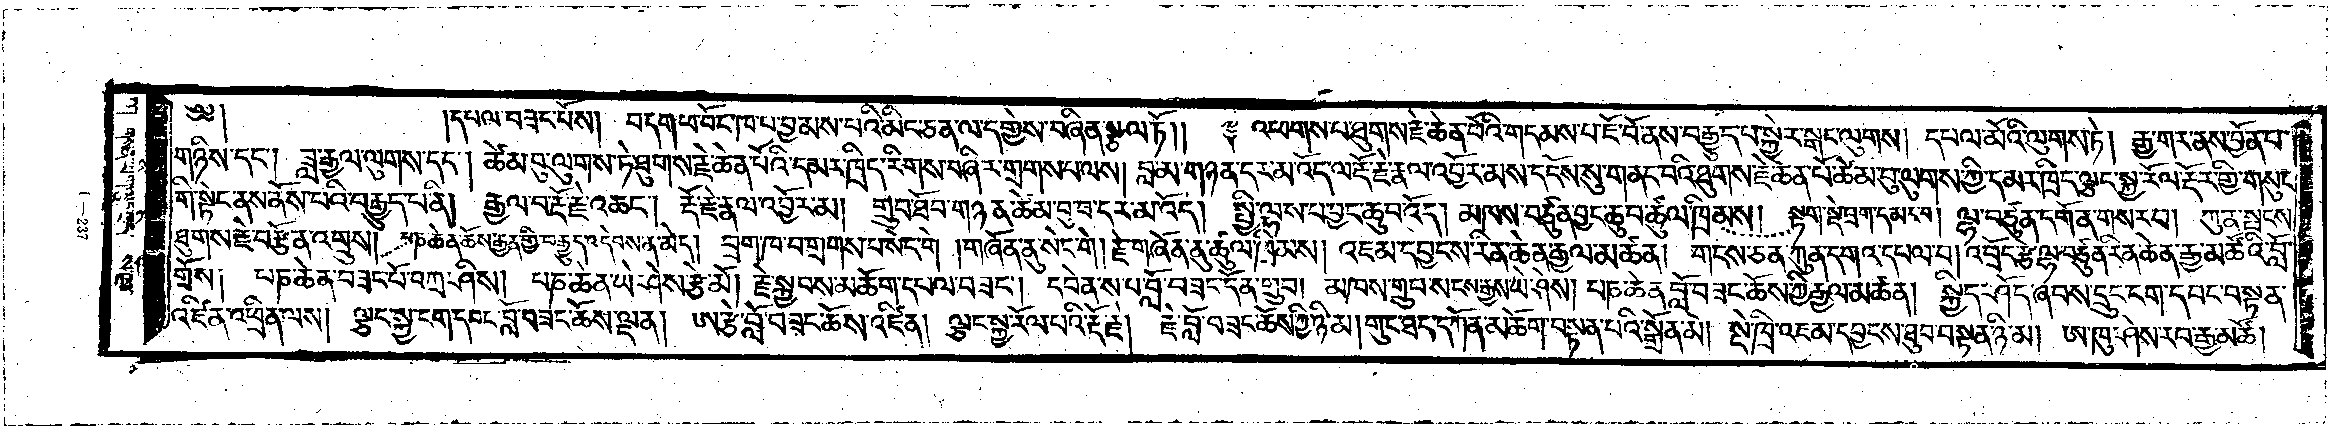༄༅། །དཔལ་བཟང་པོས། བདག་ཕ་བོང་ཁ་པ་བྱམས་པའི་མིང་ཅན་ལ་དགྱེས་བཞིན་སྩལ་ཏོ།། འ་འཕགས་པ་ཐུགས་རྗེ་ཆེན་པོའི་གདམས་པ་ཇོ་བོ་ནས་བརྒྱུད་པ་སྐྱེར་སྒང་ལུགས། དཔལ་མོའི་ལུགས་ཏེ། རྒྱ་གར་ནས་བྱོན་པ་
གཉིས་དང་། ཟླ་རྒྱལ་ལུགས་དང་། ཚེམ་བུ་ལུགས་ཏེ་ཐུགས་རྗེ་ཆེན་པོའི་དམར་ཁྲིད་རིགས་བཞིར་གྲགས་པ་ལས། བླ་མ་གཉན་དར་མ་འོད་ལ་རྡོ་རྗེ་རྣལ་འབྱོར་མས་དངོས་སུ་གནང་བའི་ཐུགས་རྗེ་ཆེན་པོ་ཚེམ་བུ་ལུགས་ཀྱི་དམར་ཁྲིད་ལྕང་སྐྱ་རོལ་རྡོར་གྱི་གསུང་
གི་སྟེང་ནས་ནོས་པའི་བརྒྱུད་པ་ནི། རྒྱལ་བ་རྡོ་རྗེ་འཆང་། རྡོ་རྗེ་རྣལ་འབྱོར་མ། གྲུབ་ཐོབ་གཉན་ཚེམ་བུ་བ་དར་མ་འོད། སྤྱི་ལྷས་པ་བྱང་ཆུབ་འོད། མཁས་བཙུན་བྱང་ཆུབ་ཚུལ་ཁྲིམས་སྟག་སྡེ་བྲག་དམར་བ།  ལྷ་བཙུན་དགོན་གསར་བ། ཀུན་སྤངས་
ཐུགས་རྗེ་བརྩོན་འགྲུས། པཎ་ཆེན་ཆོས་རྒྱན་གྱི་བརྒྱུད་འདེབས་ན་མེད།  བྲག་ཁ་བ་གྲགས་པ་སེང་གེ །གཞོན་ནུ་སེང་གེ །རྗེ་གཞོན་ནུ་ཚུལ་ཁྲིམས། འཇམ་དབྱངས་རིན་ཆེན་རྒྱལ་མཚན། གངས་ཅན་ཀུན་དགའ་དཔལ་བ། འབྲོང་རྩེ་ལྷ་བཙུན་རིན་ཆེན་རྒྱ་མཚོའི་བློ་
གྲོས༑ པཎ་ཆེན་བཟང་པོ་བཀྲ་ཤིས། པཎ་ཆེན་ཡེ་ཤེས་རྩེ་མོ། རྗེ་སྐྱབས་མཆོག་དཔལ་བཟང་། དབེན་ས་པ་བློ་བཟང་དོན་གྲུབ། མཁས་གྲུབ་སངས་རྒྱས་ཡེ་ཤེས། པཎ་ཆེན་བློ་བཟང་ཆོས་ཀྱི་རྒྱལ་མཚན། སྐྱིད་ཤོད་ཞབས་དྲུང་ངག་དབང་བསྟན་
འཛིན་འཕྲིན་ལས། ལྕང་སྐྱ་ངག་དབང་བློ་བཟང་ཆོས་ལྡན། ཨ་རྩེ་བློ་བཟང་ཆོས་འཛིན། ལྕང་སྐྱ་རོལ་པའི་རྡོ་རྗེ། རྗེ་བློ་བཟང་ཆོས་ཀྱི་ཉི་མ། གུང་ཐང་དཀོན་མཆོག་བསྟན་པའི་སྒྲོན་མེ། སྡེ་ཁྲི་འཇམ་དབྱངས་ཐུབ་བསྟན་ཉི་མ། ཨ་ཁུ་ཤེས་རབ་རྒྱ་མཚོ།